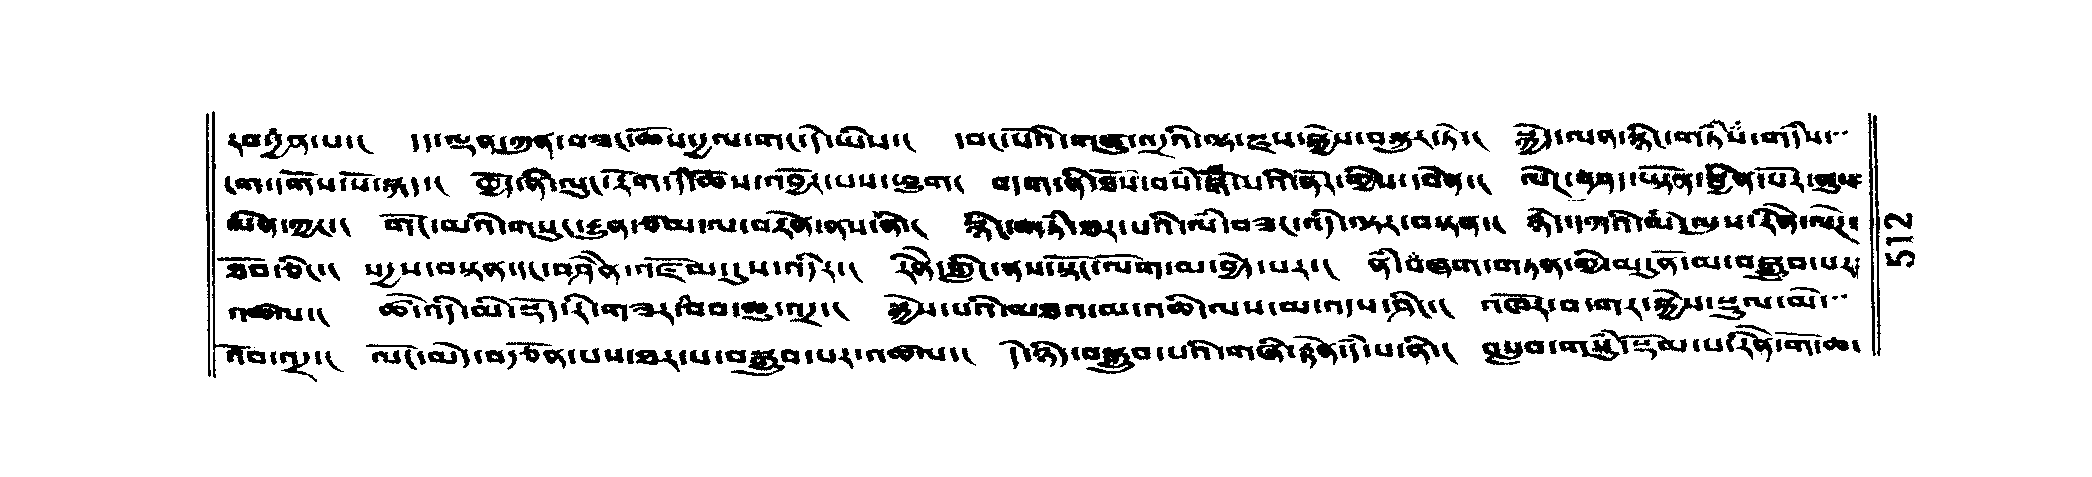རབ་བརྒྱན་པ། །དད་ལྡན་ཀུན་བཟང་ཆོས་རྒྱལ་གང་དེ་ཡིས། །དབང་པོའི་གཞུ་འདྲའི་ལྷ་རྫས་སྐྱེས་བསྐུར་ཏེ། །སྐྱེས་ལན་སྙིང་གཏམ་གདམས་
ངག་དགོས་སོ་སྐད། །ཁྱོད་ནི་ལུང་རྟོགས་དམ་ཆོས་འབྱོར་པས་ཕྱུག །བདག་ནི་ཐོས་བསམ་སྒོམ་པའི་ནོར་གྱིས་དབེན། །ལེགས་བཤད་ཡོན་ཏན་སྦྱིན་པར་ནུས་
མིན་ཀྱང་། །གོང་མའི་གསུང་རྒྱུན་ཙམ་ལ་བརྟེན་ནས་ནི། །སྙིང་གཏམ་ཐར་པའི་ལམ་བཟང་འདི་ལྟར་བསྟན། །རྙེད་དཀའི་མི་ལུས་རིན་ཆེན་ལེགས་
ཐོབ་ཅིང་། །སངས་རྒྱས་བསྟན་དང་བཤེས་གཉེན་འཛོམ་དུས་འདིར། །རིན་ཆེན་གླིང་ནས་སྟོང་ལོག་མ་བྱེད་པར། །ནམ་བཞག་གཏན་གྱི་མདུན་མ་བསྒྲུབ་པར་
འཚལ། །ཚེ་འདི་མི་སྡོད་རི་གཟར་འབབ་ཆུ་འདྲ། །སྐྱེས་པའི་མཐའ་མ་འཆི་ལས་མ་འདས་ཤིང་། །འཁོར་བ་གར་སྐྱེས་སྡུག་བསྔལ་བསྔལ་མེ་
འོབས་འདྲ། །ལོང་མེད་བརྩོན་པས་ཐར་པ་བསྒྲུབ་པར་འཚལ། །དེ་ཉིད་བསྒྲུབ་པའི་གཞི་རྟེན་དམ་པ་ནི། །བསླབ་གསུམ་སྡོམ་པ་རིན་ཆེན་གོ་ཆ་